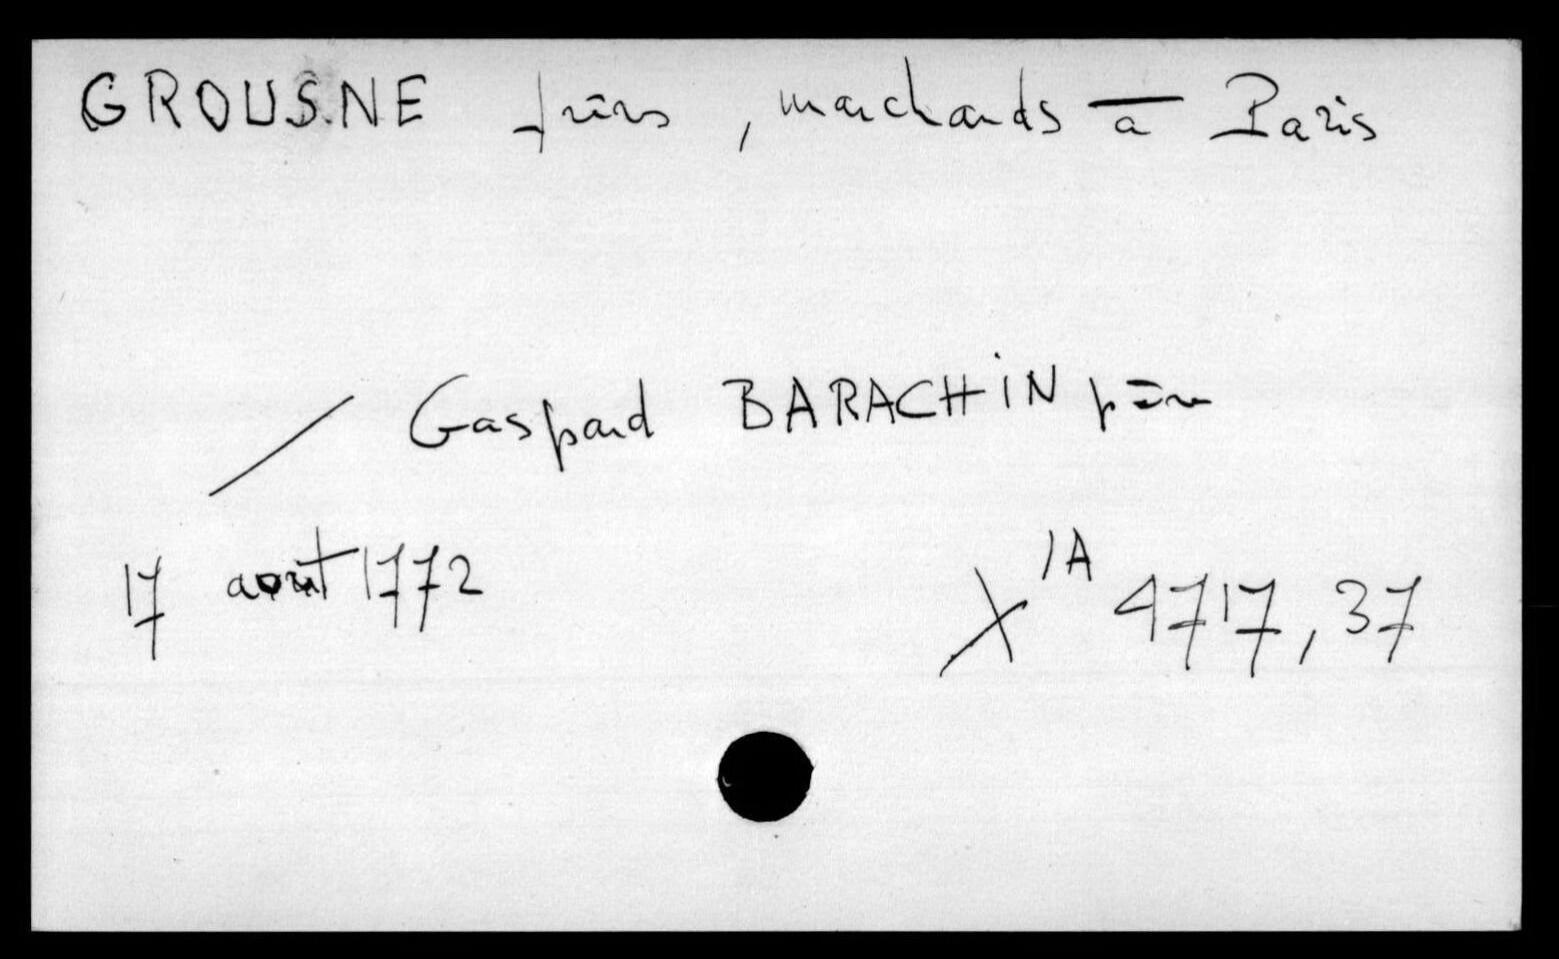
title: GROUSNE frères, marchands à Paris
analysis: Contre Gaspard BARACHIN père
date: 17 août 1772
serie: X1A
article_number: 4717
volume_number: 37
